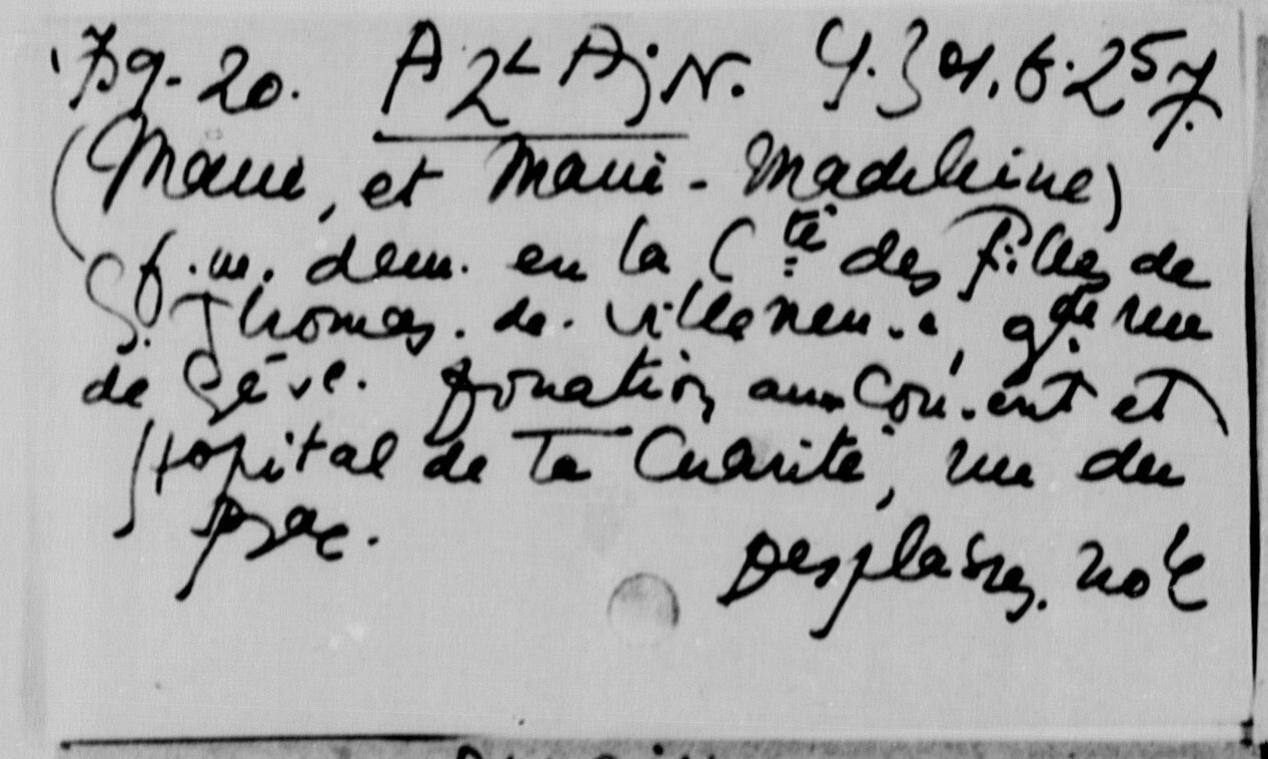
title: ALLAIN (Marie et Marie-Madeleine)
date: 1719-1720
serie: Y
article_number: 301
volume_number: folio 257
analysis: filles majeures demeurant en la communauté des Filles de Saint Thomas de Villeneuve, grande rue de Sève Donation au couvent et Hôpital de la Charité, rue du Bac Desplasses, notaire
